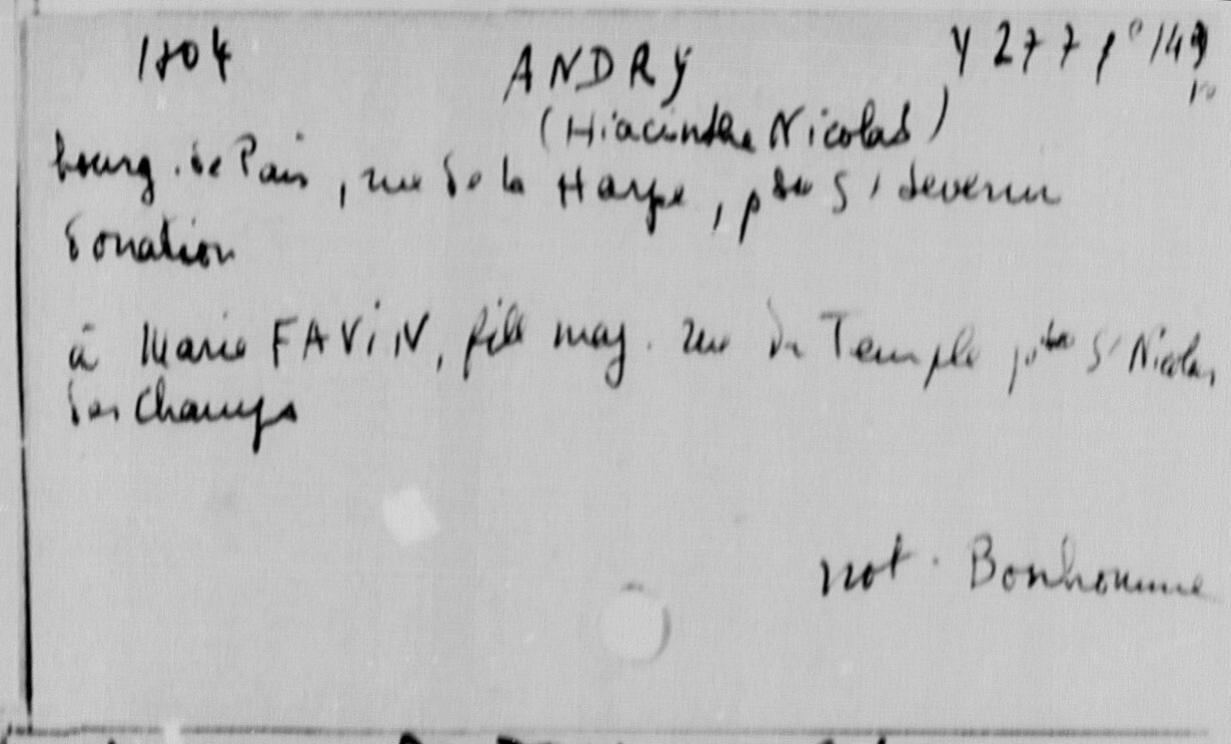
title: ANDRY (Hyacinthe Nicolas)
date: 1704
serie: Y
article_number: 277
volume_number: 149v
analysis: Bourgeois de Paris, rue de la Harpe, paroisse Saint-Séverin. Donation à Marie FAVIN, fille majeure, rue du Temple, paroisse Saint-Nicolas-des-Champs. Bonhomme, notaire.
